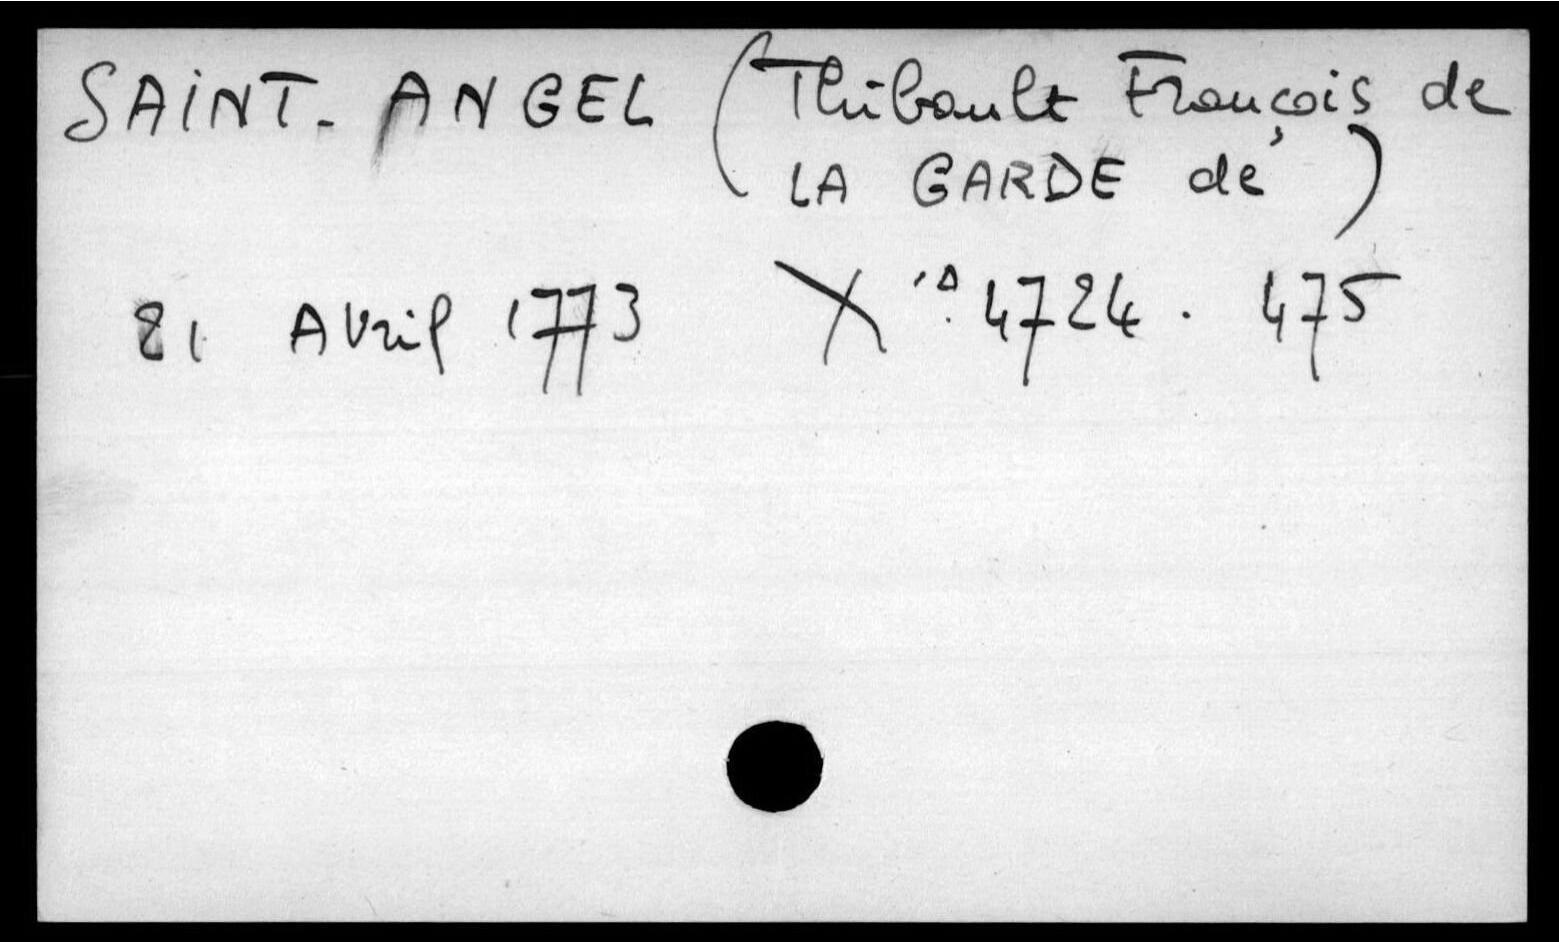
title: SAINT-ANGEL (Thibault François de LA GARDE de
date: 21 avril 1773
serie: X1a
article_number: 4724
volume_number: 475
